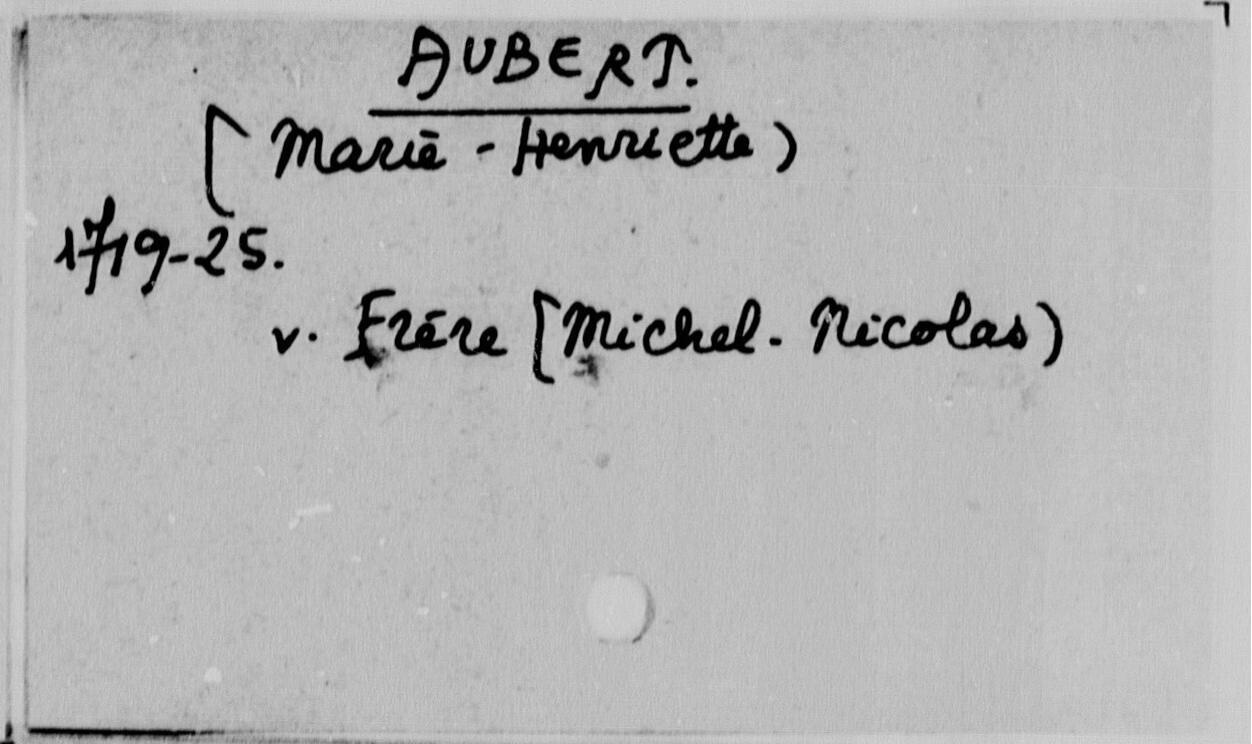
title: AUBERT (Marie-Henriette)
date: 1719-1725
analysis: Voir Frère (Michel Nicolas)
